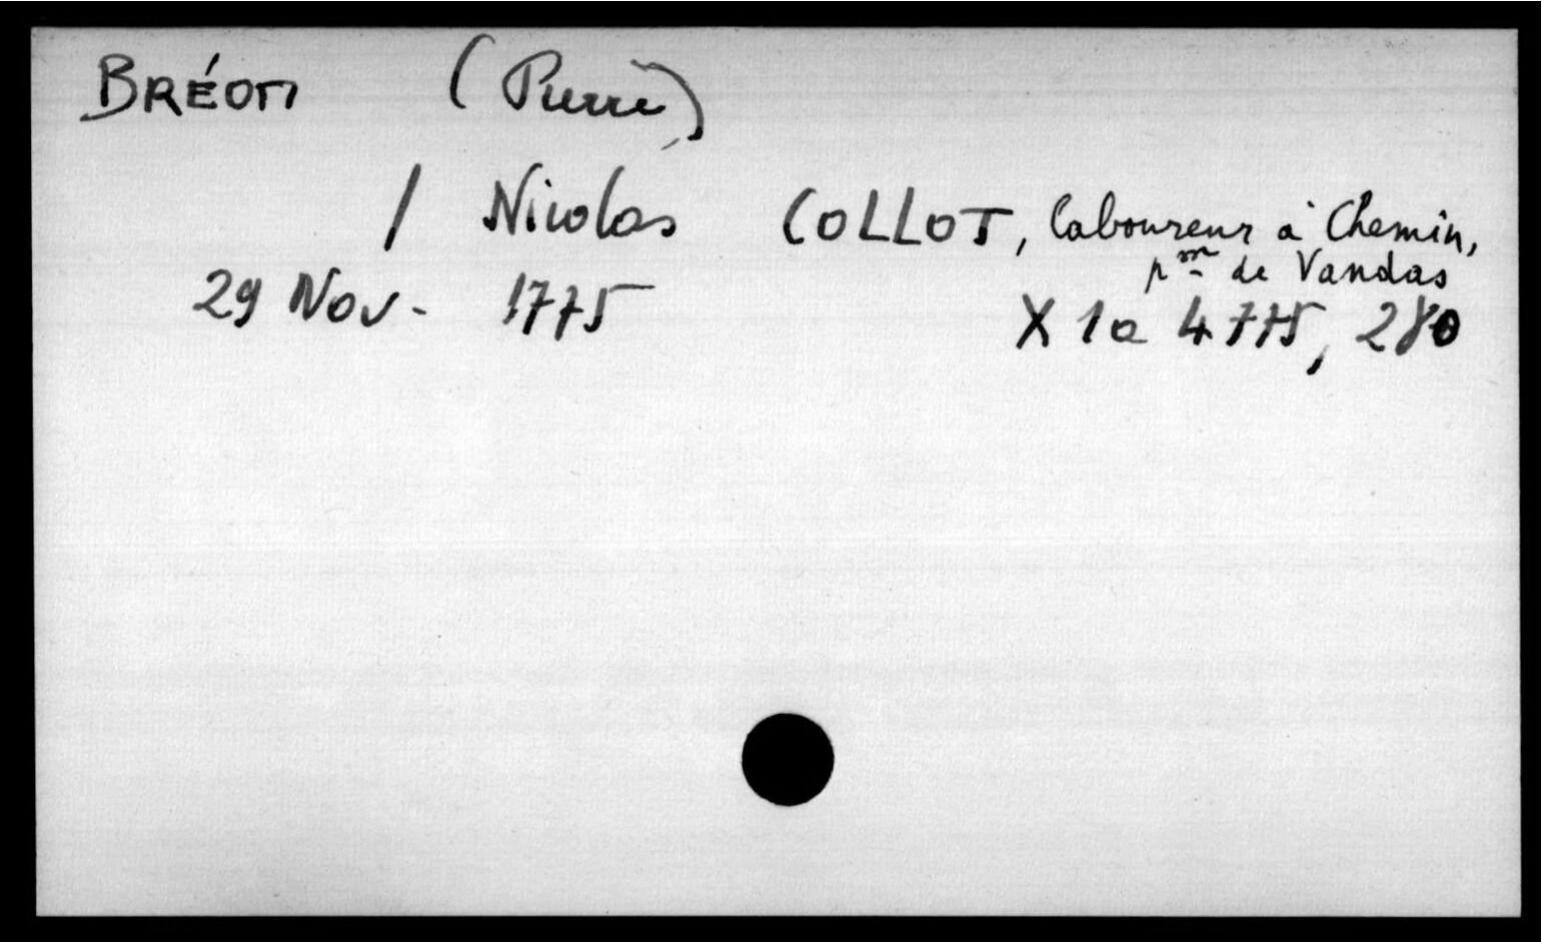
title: BRÉOM (Pierre)
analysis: Contre Nicolas COLLOT, laboureur à Chemin, paroisse de Vandas
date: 29 novembre 1775
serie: X1A
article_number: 4775
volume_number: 280
